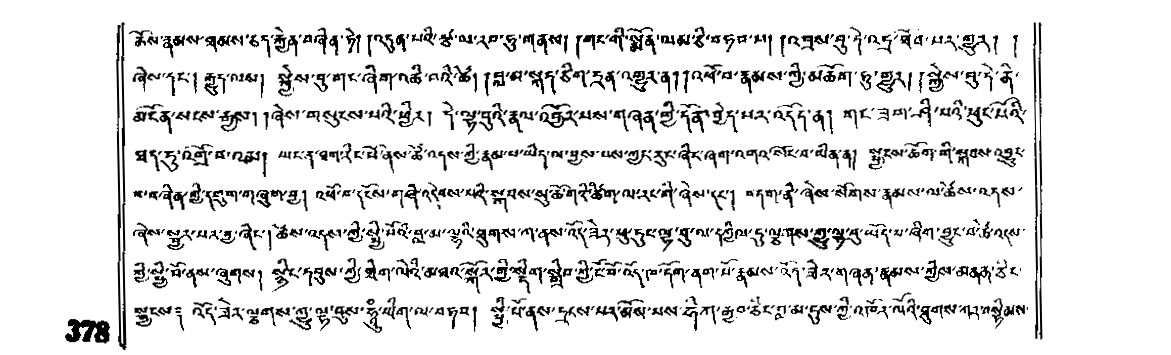ཆོས་རྣམས་ཐམས་ཅད་རྐྱེན་བཞིན་ཏེ། །འདུན་པའི་རྩ་ལ་རབ་ཏུ་གནས། །གང་གི་སྨོན་ལམ་ཅི་བཏབ་པ། །འབྲས་བུ་དེ་འདྲ་ཐོབ་པར་གྱུར། །
ཞེས་དང་། རྒྱུད་ལས། སྐྱེས་བུ་གང་ཞིག་འཆི་བའི་ཚེ། །བླ་མ་སྐད་ཅིག་དྲན་འགྱུར་ན། །འཕོ་བ་རྣམས་ཀྱི་མཆོག་ཏུ་གྱུར། །སྐྱེས་བུ་དེ་ནི་
མངོན་སངས་རྒྱས། །ཞེས་གསུངས་པའི་ཕྱིར། དེ་ལྟ་བུའི་རྣལ་འབྱོར་པས་གཞན་གྱི་དོན་བྱེད་པར་འདོད་ན། གང་ཟག་ཤི་པའི་ཕུང་པོའི་
ཐད་ཏུ་འགྲོ་བའམ། ཡང་ན་ཐག་རིང་པོ་ནས་ཚེ་འདས་ཀྱི་རྣམ་པ་ཡིད་ལ་བྱས་པས་ཀྱང་རུང་ཞིང་ཞག་འགའ་སོང་བ་ཡིན་ན། སྤྱངས་ཆོག་གི་སྐབས་འབྱུང་
བ་བཞིན་གྱི་དགུག་གཞུག་བྱ། འཕོ་བ་དངོས་གཞི་འདེབས་པའི་སྐབས་སུ་ཆོ་གའི་ཚིག་ལ་རང་གི་ཞེས་དང་། བདག་ནི་ཞེས་སོགས་རྣམས་ལ་ཚེས་འདས་
ཞེས་སྦྱར་པར་བྱ་ཞིང་། ཚེས་འདས་ཀྱི་སྤྱི་པོའི་བླ་མ་ལྷའི་ཐུགས་ཀ་ནས་འོད་ཟེར་ཕུ་ཏུང་ལྟ་བུ་ལ་དཀྱིལ་ཏུ་ལྕགས་ཀྱུ་ལྟ་བུ་ཡོད་པ་ཞིག་བྱུང་བ་ཚེ་འདས་
ཀྱི་སྤྱི་བོ་ནས་ཞུགས། སྙིང་དབུས་ཀྱི་ཐིག་ལེའི་མཐའ་སྐོར་གྱི་སྡིག་སྒྲིབ་ཀྱི་ངོ་བོ་འོད་ཁ་དོག་ནག་པོ་རྣམས་འོད་ཟེར་གཞན་རྣམས་ཀྱིས་མནན་ཅིང་
སྦྱངས༑ འོད་ཟེར་ལྕགས་ཀྱུ་ལྟ་བུས་ཧཱུཾ་ཡིག་ལ་བཏབ། སྤྱི་པོ་ནས་དྲངས་པར་མོས་པས་ཧིཀ་རྒྱབ་ཅིང་བླ་མ་དུས་ཀྱི་འཁོར་ལོའི་ཐུགས་ཀར་བསྟིམས་